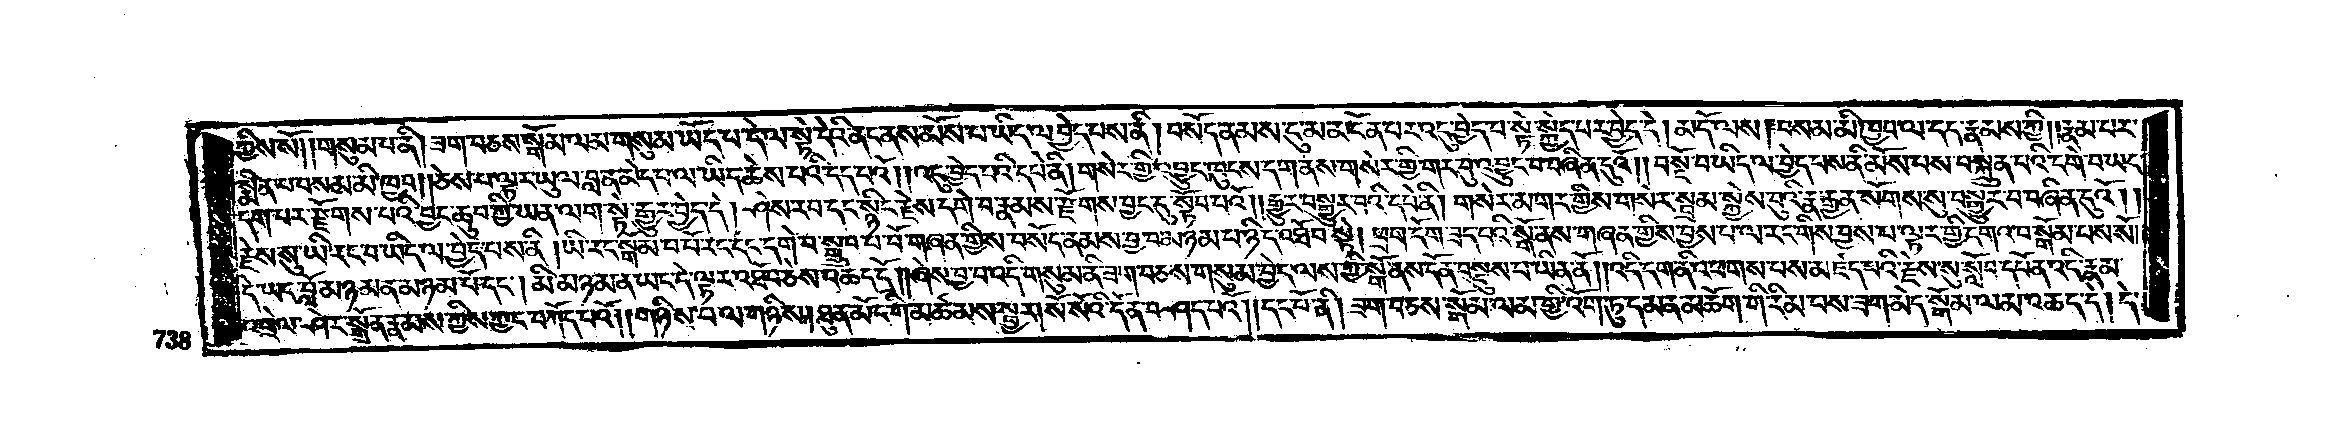གྱིས་སོ། །གསུམ་པ་ནི། ཟག་བཅས་སྒོམ་ལམ་གསུམ་ཡོད་པ་དེ་ལ་སྟེ་དེའི་ནང་ནས་མོས་པ་ཡིད་ལ་བྱེད་པས་ནི། བསོད་ནམས་དུ་མ་མངོན་པར་འདུ་བྱེད་པ་སྟེ་སྐྱེད་པར་བྱེད་དོ། མདོ་ལས། བསམ་མི་ཁྱབ་ལ་དད་རྣམས་ཀྱི། །རྣམ་པར་
སྨིན་པ་བསམ་མི་ཁྱབ། །ཅེས་པ་ལྟར་ཡུལ་བླ་ན་མེད་པ་ལ་ཡིད་ཆེས་པའི་དད་པའོ། །འདུ་བྱེད་པའི་དཔེ་ནི། གསེར་གྱི་འབྱུང་ཁུངས་དག་ནས་གསེར་གྱི་གར་བུ་འབྱུང་བ་བཞིན་དུའོ། །བསྔོ་བ་ཡིད་ལ་བྱེད་པས་ནི་མོས་པས་བསྐྲུན་པའི་དགེ་བ་ཡང་
དག་པར་རྫོགས་པའི་བྱང་ཆུབ་ཀྱི་ཡན་ལག་སྟེ་རྒྱུར་བྱེད་དེ། ཤེས་རབ་དང་སྙིང་རྗེས་དགེ་བ་རྣམས་རྫོགས་བྱང་དུ་སྟོབ་པའོ། །རྒྱུར་བསྒྱུར་བའི་དཔེ་ནི། གསེར་མགར་གྱིས་གསེར་སྦྲམ་སྐྱེས་བུའི་རྣ་རྒྱན་སོགས་སུ་བསྒྱུར་བ་བཞིན་དུའོ། །
རྗེས་སུ་ཡི་རང་བ་ཡིད་ལ་བྱེད་པས་ནི། ཡི་རང་སྒོམ་པ་པོ་རང་དང་དགེ་བ་སྒྲུབ་པ་པོ་གཞན་གྱིས་བསོད་ནམས་བྱ་བ་མཉམ་པ་ཉིད་འཐོབ་སྟེ། ཕྲག་དོག་ཟད་པའི་སྒོ་ནས་གཞན་གྱིས་བྱས་པ་ལ་རང་གིས་བྱས་པ་ལྟར་གྱི་དགའ་བ་སྒོམ་པས་སོ། །
དེ་ཡང་བློ་མཉམ་ན་མཉམ་པོ་དང་། མི་མཉམ་ན་ཡང་དེ་ལྟར་འཐོབ་ཅེས་འཆད་དོ། །ཞེས་བྱ་བ་འདི་གསུམ་ནི་ཟག་བཅས་གསུམ་བྱེད་ལས་ཀྱི་སྒོ་ནས་དོན་བསྡུས་པ་ཡིན་ནོ། །འདི་དག་ནི་འཕགས་པས་མཛད་པའི་རྗེས་སུ་སློབ་དཔོན་འདི་རྣམ་
འགྲེལ་ཤེར་སྒྲོན་རྣམས་ཀྱིས་ཀྱང་བཀོད་པའོ། །གཉིས་པ་ལ་གཉིས། ཐུན་མོང་གི་མཚམས་སྦྱར། སོ་སོའི་དོན་བཤད་པའོ། །དང་པོ་ནི། ཟག་བཅས་སྒོམ་ལམ་གྱི་འོག་ཏུ་དམན་མཆོག་གི་རིམ་པས་ཟག་མེད་སྒོམ་ལམ་འཆད་དེ། དེ་